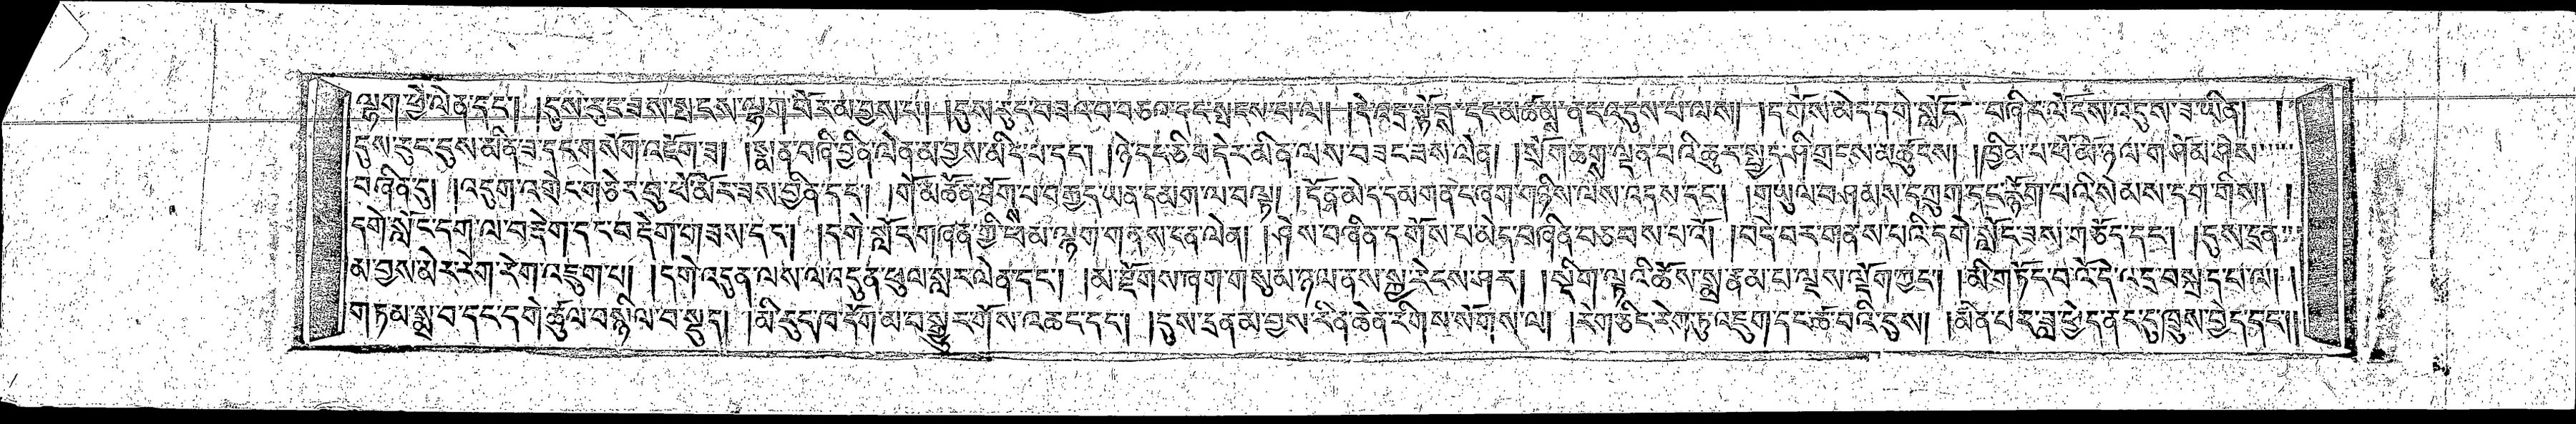ལྷག་ཕྱེ་ལེན་དང་། །དུས་རུང་ཟས་སྤངས་ལྷག་པོར་མ་བྱས་པ། །དུས་རུང་བཟའ་བ་བཅའ་དང་སྤངས་པ་ལ། །དེ་འདྲ་སྟོབས་དང་མཚམས་ནང་འདས་པ་ལས། །དགོས་མེད་དགེ་སློང་བཞིར་ལོངས་འདུས་ཟ་ཡིན། །
དུས་རུང་དུས་མིན་ཟ་དང་གསོག་འཇོག་ཟ། །སྨན་བཞི་བྱིན་ལེན་མ་བྱས་མིད་པ་དང་། །ཉེ་དང་ཅི་བདེར་མིན་ལས་བཟང་ཟས་ལེན། །སྲོག་ཆགས་ལྡན་པའི་ཆུར་སྤྱད་ཤི་གྲངས་མཚུངས། །ཁྱིམ་པ་ཕོ་མོ་ཉལ་གཤོམ་ཤེས་
བཞིན་དུ། །འདུག་འགྲེང་གཅེར་བུ་ཕོ་མོར་ཟས་བྱིན་དང་། །གོ་མཚོན་ཐོགས་པ་བརྒྱད་ཡན་དམག་ལ་བལྟ། །དོན་མེད་དམག་ནང་ཞག་གཉིས་ལས་འདས་དང་། །གཡུལ་བཤམས་དཀྲུག་དང་རྙོག་པའི་སེམས་དག་གིས། །
དགེ་སློང་དག་ལ་བརྡེག་དང་བརྡེག་གཟས་དང་། །དགེ་སློང་གཞན་གྱི་ཕམ་ལྷག་གནས་ངན་ལེན། །ཤེས་བཞིན་དགོས་པ་མེད་བཞིན་བཅབས་པའོ། །བདེ་བར་གནས་པའི་དགེ་སློང་ཟས་གཅོད་དང་། །དུས་དྲན་
མ་བྱས་མེར་རེག་རེག་འཇུག་པ། །དགེ་འདུན་ལས་ལ་འདུན་ཕུལ་སླར་ལེན་དང་། །མ་རྫོགས་ཞག་གསུམ་ཉལ་ནས་སྐྱ་རེངས་ཤར། །སྡིག་ལྟའི་ཆོས་སྨྲ་རྣམ་པ་ལྔས་ལྡོག་ཀྱང་། །མི་གཏོང་བའོ་དེ་འདྲ་བསྐྲད་པ་ལ། །
གཏམ་སྨྲ་བ་དང་དགེ་ཚུལ་བསྙིལ་བ་སྡུད། །མི་རུང་ཁ་དོག་མ་བསྒྱུར་གོས་འཆང་དང་། །དུས་དྲན་མ་བྱས་རིན་ཆེན་རིགས་སོགས་ལ། །རེག་ཅིང་རེག་ཏུ་འཇུག་དང་ཚ་བའི་དུས། །མིན་པར་ཟླ་ཕྱེད་ནང་དུ་ཁྲུས་བྱེད་དང་། །